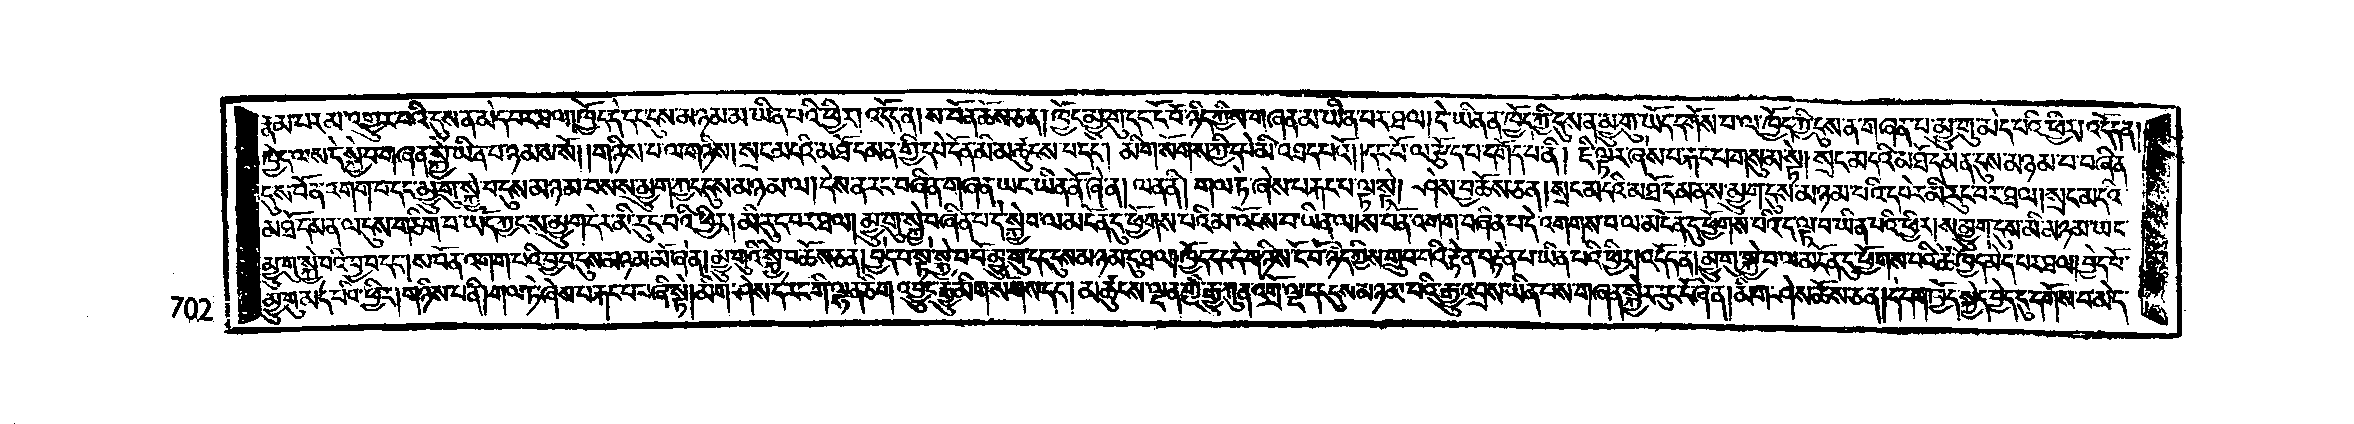རྣམ་པར་མ་འགྱུར་བའི་དུས་ན་མེད་པར་ཐལ། ཁྱོད་དེ་དང་དུས་མཉམ་མ་ཡིན་པའི་ཕྱིར། འདོད་ན། ས་བོན་ཆོས་ཅན། ཁྱོད་མྱུ་གུ་དང་ངོ་བོ་ཉིད་ཀྱིས་གཞན་མ་ཡིན་པར་ཐལ། དེ་ཡིན་ན་ཁྱོད་ཀྱི་དུས་ན་མྱུ་གུ་ཡོད་དགོས་པ་ལ་ཁྱོད་ཀྱི་དུས་ན་གཞན་པ་མྱུ་གུ་མེད་པའི་ཕྱིར། འདོད་ན།
ཁྱེད་ལས་དེ་སྐྱེ་བ་གཞན་སྐྱེ་ཡིན་པ་ཉམས་སོ། །གཉིས་པ་ལ་གཉིས། སྲང་མདའི་མཐོ་དམན་གྱི་དཔེ་དོན་མི་མཚུངས་པ་དང་། མིག་སོགས་ཀྱི་དཔེ་མི་འཐད་པའོ། །དང་པོ་ལ་རྩོད་པ་དགོད་པ་ནི། ཇི་ལྟར་ཞེས་པ་རྐང་པ་གསུམ་སྟེ། སྲང་མདའི་མཐོ་དམན་དུས་མཉམ་པ་བཞིན་
དུ་ས་བོན་འགག་པ་དང་མྱུ་གུ་སྐྱེ་བ་དུས་མཉམ་པས་ས་མྱུག་ཀྱང་དུས་མཉམ་ལ། དེས་ན་རང་བཞིན་གཞན་ཡང་ཡིན་ནོ་ཞེ་ན། ལན་ནི། གལ་ཏེ་ཞེས་པ་རྐང་པ་ལྟ་སྟེ། ཤེས་བྱ་ཆོས་ཅན། སྲང་མདའི་མཐོ་དམན་ནས་མྱུག་དུས་མཉམ་པའི་དཔེར་མི་རུང་བར་ཐལ། སྲང་མདའི་
མཐོ་དམན་ལ་དུས་གཅིག་པ་ཡོད་ཀྱང་ས་མྱུག་དེར་མི་རུང་བའི་ཕྱིར། མི་རུང་བར་ཐལ། མྱུ་གུ་སྐྱེ་བཞིན་པ་དེ་སྐྱེ་བ་ལ་མངོན་དུ་ཕྱོགས་པའི་མ་འོངས་པ་ཡིན་ལ། ས་བོན་འགག་བཞིན་པ་དེ་འགགས་པ་ལ་མངོན་དུ་ཕྱོགས་པའི་ད་ལྟ་བ་ཡིན་པའི་ཕྱིར། ས་མྱུག་དུས་མི་མཉམ་ཡང་
མྱུ་གུ་སྐྱེ་བའི་བྱ་བ་དང་། ས་བོན་འགག་པའི་བྱ་བ་དུས་མཉམ་མོ་ཞེ་ན། མྱུ་གུའི་སྐྱེ་བ་ཆོས་ཅན། བྱེད་པ་སྟེ་སྐྱེ་བ་པོ་མྱུ་གུ་དང་དུས་མཉམ་དུ་ཐལ། ཁྱོད་དང་དེ་གཉིས་ངོ་བོ་ཉིད་ཀྱིས་གྲུབ་པའི་རྟེན་བརྟེན་པ་ཡིན་པའི་ཕྱིར། འདོད་ན། མྱུ་གུ་སྐྱེ་བ་ལ་མངོན་དུ་ཕྱོགས་པའི་ཚེ་ཁྱད་མེད་པར་ཐལ། བྱེད་པོ་
མྱུ་གུ་མེད་པའི་ཕྱིར། གཉིས་པ་ནི། གལ་ཏེ་ཞེས་པ་རྐང་པ་བཞི་སྟེ། མིག་ཤེས་དེ་རང་གི་ལྷན་ཅིག་འབྱུང་རྒྱུ་མིག་སོགས་དང་། མཚུངས་ལྡན་གྱི་རྒྱུ་ཀུན་འགྲོ་ལྔ་དང་དུས་མཉམ་པའི་རྒྱུ་འབྲས་ཡིན་པས་གཞན་སྐྱེར་རུང་ངོ་ཞེ་ན། མིག་ཤེས་ཆོས་ཅན། དེ་དག་ཁྱོད་སྐྱེད་བྱེད་དུ་དགོས་པ་མེད་